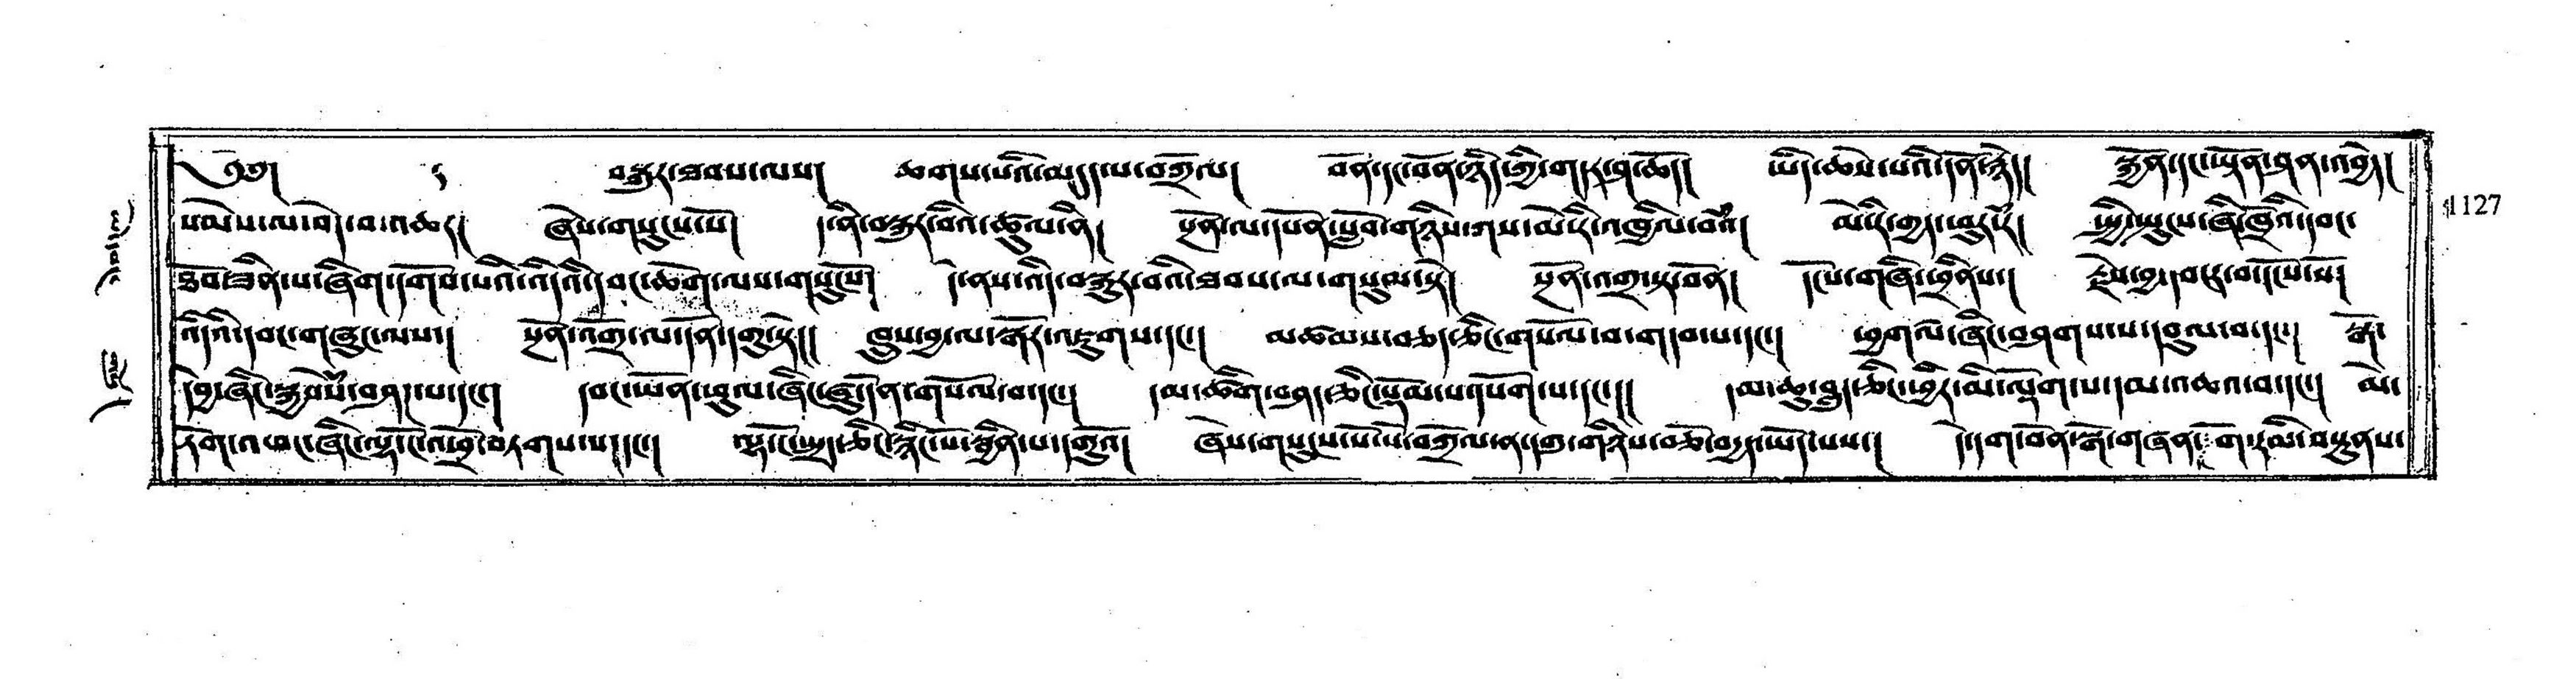བསྐུར་ཐབས་ལས། ཆགས་པའི་མདུད་པ་བཀྲོལ། བོན་དང་བོན་ཉིད་ཀྱི་གདར་ཤ་ཆོད། ཡིད་ཆེས་པའི་དོན་རྙེད། སྐྱོན་དང་ཡོན་ཏན་ཤན་འབྱེད། 
སེམས་ལ་བདེ་བ་འཆར། ཞེས་གསུངས་སོ། ད་ནི་བསྐུར་བའི་ཚུལ་ནི། སྔོན་ལ་དཔོན་སློབ་གཉིས་ཀས་མེ་རི་འཁྱིལ་བའམ། མེ་རི་གྱད་ཕུར་རཾ། སྤྱི་སྤུངས་ཞི་ཁྲོའི་དབང་
ཐོབ་ཟིན་པ་ཞིག་དགོས་པའི་འདིའི་དབང་ཆོག་ལས་གསུངས་སོ། དེ་ནས་འདི་བསྐུར་བའི་ཐབས་ལ་གསུམ་སྟེ། སྔོན་འགྲོ་སྟ་བོན། དངོས་གཞི་ཕྲིན་ལས། རྗེས་བྱ་དབང་བསྐུར་དངོས་སོ། 
འདིའི་དབང་གཞུང་ལས། སྔོན་འགྲོ་ལ་དོན་དགུ་སྟེ།། ཁྲུས་བྱ་ལ་སྒོར་འཇུག་པ་དང་། མཚམས་བཅད་ཅིང་གསོལ་བ་གདབ་པ་དང་། ཕྱག་འཚལ་ཞིང་བཤགས་པ་དབུལ་བ་དང་། སྒོ་
དབྱེ་ཞིང་སྐྱབས་སེམས་བཤགས་པ་དང་། དབང་ཡོན་ཕུལ་ཞིང་ཞུ་དོན་གསོལ་བ་དང་། དམ་ཚིག་བཤད་ཅིང་སྡོམ་པ་དཔོག་པ་དང་།། དམ་ཆུ་བླུད་ཅིང་ཕྱིར་མི་ལྡོག་པ་དམ་འཆའ་བ་དང་། མེ་
ཏོག་འཕང་ཞིང་ལྷ་ངོ་འཕྲོ་བཏགས་པ་དང་། ལྷ་ངོ་སྤྲད་ཅིང་སྙིང་པོ་སྦྱིན་པ་དགུའོ། ཞེས་གསུངས་སོ་སོ་བཀྲོལ་ན་དགུ་གཉིས་བཅོ་བརྒྱད་ཡོད་པས། དེ་དག་བོན་སྒོ་གཞན་དང་གོ་རིམ་བསྟུན་ནས་